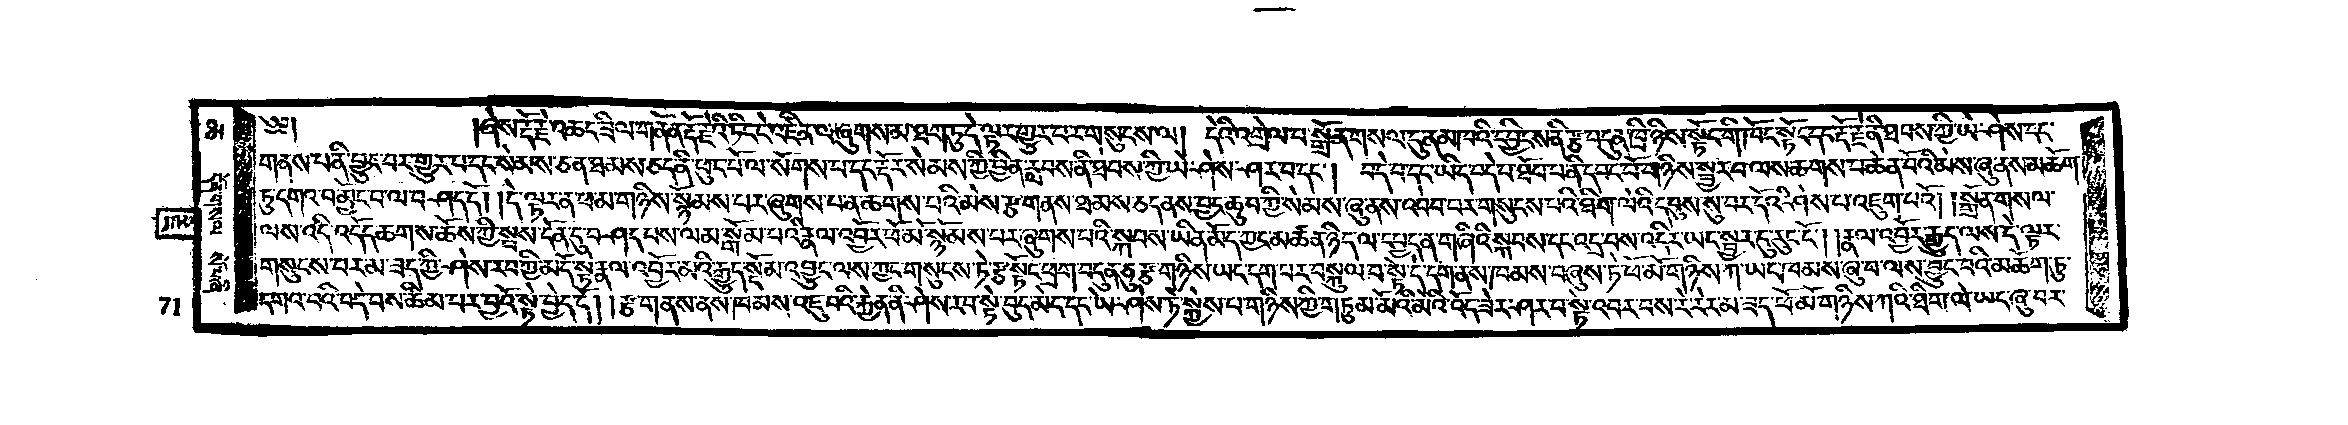༄༅། །ཞེས་རྡོ་རྗེ་འཆང་ཟིལ་གནོན་རྡོ་རྗེའི་ཏིང་ངེ་འཛིན་ལ་ཞུགས་མ་ཐག་ཏུ་དེ་ལྟར་གྱུར་པར་གསུངས་ལ། དེའི་འགྲེལ་པ་སྒྲོན་གསལ་དུ་ནམ་མཁའི་དབྱིངས་ནི་རྩ་བདུན་ཁྲི་ཉིས་སྟོང་གི་ཁོང་སྟོང་དང་རྡོ་རྗེ་ནི་ཐབས་ཀྱི་ཡེ་ཤེས་དང་
གནས་པ་ནི་བྱུང་བར་གྱུར་པ་དང་སེམས་ཅན་ཐམས་ཅད་ནི་ཕུང་པོ་ལ་སོགས་པ་དང་རྡོར་སེམས་ཀྱི་བྱིན་རླབས་ནི་ཐབས་ཀྱི་ཡེ་ཤེས་ཤར་བ་དང་། བདེ་བ་དང་ཡིད་བདེ་བ་ཐོབ་པ་ནི་དབང་པོ་གཉིས་སྦྱར་བ་ལས་ཆགས་པ་ཆེན་པོའི་མེས་ཞུ་ནས་མཆོག་
ཏུ་དགའ་བ་མྱོང་བ་ལ་བཤད་དོ། །དེ་ལྟར་ན་ཕ་མ་གཉིས་སྙོམས་པར་ཞུགས་པ་ན་ཆགས་པའི་མེས་རྩ་གནས་ཐམས་ཅད་ནས་བྱང་ཆུབ་ཀྱི་སེམས་ཞུ་ནས་འབབ་པར་གསུངས་པའི་ཐིག་ལེའི་དབུས་སུ་བར་དོའི་ཤེས་པ་འཇུག་པའོ། །སྒྲོན་གསལ་
ལས་འདི་འདོད་ཆགས་ཆོས་ཀྱི་སྦས་དེན་དུ་བཤད་པས་ལམ་སྒོམ་པའི་རྣལ་འབྱོར་ཕོ་མོ་སྙོམས་པར་ཞུགས་པའི་སྐབས་ཡིན་མོད་ཀྱང་མཚན་ཉིད་ལ་དཔྱད་ན་གཞིའི་སྐབས་དང་འདྲ་བས་འདིར་ཡང་སྦྱར་དུ་རུང་ངོ། །རྣལ་འབྱོར་རྒྱུད་ལས་དེ་ལྟར་
གསུངས་པར་མ་ཟད་ཀྱི་ཤེས་རབ་ཀྱི་མདོ་སྟེ་རྣལ་འབྱོར་མའི་རྒྱུད་སྡོམ་འབྱུང་ལས་ཀྱང་གསུངས་ཏེ་རྩ་སྟོང་ཕྲག་བདུན་ཅུ་རྩ་གཉིས་ཡང་དག་པར་བསྐུལ་བ་སྟེ་དེ་དག་ནས་ཁམས་བཞུས་ཏེ་ཕོ་མོ་གཉིས་ཀ་ཡང་ཁམས་ཞུ་བ་ལས་བྱུང་བའི་མཆོག་ཏུ་
དགའ་བའི་བདེ་བས་ཚིམ་པར་བྱའོ་སྟེ་བྱེད་དོ། །རྩ་གནས་ནས་ཁམས་འཇུ་བའི་རྐྱེན་ནི་ཤེས་རབ་སྟེ་བུད་མེད་དང་ཡེ་ཤེས་ཏེ་སྐྱེས་པ་གཉིས་ཀྱི་གཏུམ་མོའི་མེའི་འོད་ཟེར་ཤར་བ་སྟེ་འབར་བས་རེ་རེར་མ་ཟད་ཕོ་མོ་གཉིས་ཀའི་ཐིག་ལེ་ཡང་ཞུ་བར་